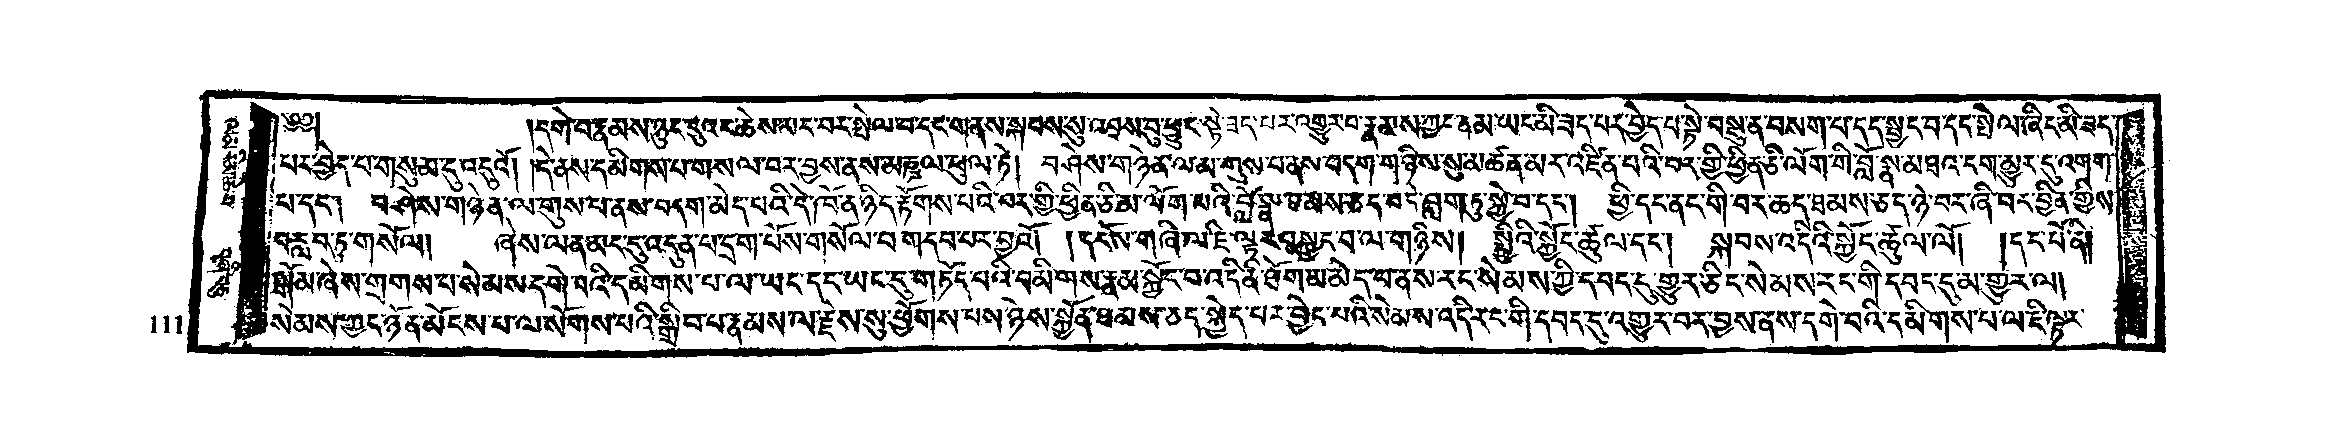༄༅། །དགེ་བ་རྣམས་ཉུང་དུའང་ཆེས་མང་བར་སྤེལ་བ་དང་གནས་སྐབས་སུ་འབྲས་བུ་ཕྱུང་སྟེ་ཟད་པར་འགྱུར་བ་རྣམས་ཀྱང་ནམ་ཡང་མི་ཟད་པར་བྱེད་པ་སྟེ་བསྡུ་ན་བསག་པ་དང་སྦྱང་བ་དང་སྤེལ་ཞིང་མི་ཟད་
པར་བྱེད་པ་གསུམ་དུ་འདུའོ། །དེ་ནས་དམིགས་པ་གསལ་བར་བྱས་ནས་མཎྜལ་ཕུལ་ཏེ། བཤེས་གཉེན་ལ་མ་གུས་པ་ནས་བདག་གཉིས་སུ་མཚན་མར་འཛིན་པའི་བར་གྱི་ཕྱིན་ཅི་ལོག་གི་བློ་སྣ་མཐའ་དག་མྱུར་དུ་འགག་
པ་དང་། བཤེས་གཉེན་ལ་གུས་པ་ནས་བདག་མེད་པའི་དེ་ཁོ་ན་ཉིད་རྟོགས་པའི་བར་གྱི་ཕྱིན་ཅི་མ་ལོག་པའི་བློ་སྣ་ཐམས་ཅད་བདེ་བླག་ཏུ་སྐྱེ་བ་དང་། ཕྱི་དང་ནང་གི་བར་ཆད་ཐམས་ཅད་ཉེ་བར་ཞི་བར་བྱིན་གྱིས་
བརླབ་ཏུ་གསོལ། ཞེས་ལན་མང་དུ་འདུན་པ་དྲག་པོས་གསོལ་བ་གདབ་པར་བྱའོ། །དངོས་གཞི་ལ་ཇི་ལྟར་བསྐྱང་བ་ལ་གཉིས། སྤྱིའི་སྐྱོང་ཚུལ་དང་། སྐབས་འདིའི་སྐྱོང་ཚུལ་ལོ། །དང་པོ་ནི།
སྒོམ་ཞེས་གྲགས་པ་སེམས་དགེ་བའི་དམིགས་པ་ལ་ཡང་དང་ཡང་དུ་གཏོད་པའི་དམིགས་རྣམ་སྐྱོང་བ་འདི་ནི་ཐོག་མ་མེད་པ་ནས་རང་སེམས་ཀྱི་དབང་དུ་གྱུར་ཅིང་སེམས་རང་གི་དབང་དུ་མ་གྱུར་ལ།
སེམས་ཀྱང་ཉོན་མོངས་པ་ལ་སོགས་པའི་སྒྲིབ་པ་རྣམས་ལ་རྗེས་སུ་ཕྱོགས་པས་ཉེས་སྐྱོན་ཐམས་ཅད་སྐྱེད་པར་བྱེད་པའི་སེམས་འདི་རང་གི་དབང་དུ་འགྱུར་བར་བྱས་ནས་དགེ་བའི་དམིགས་པ་ལ་ཇི་ལྟར་འདོད་